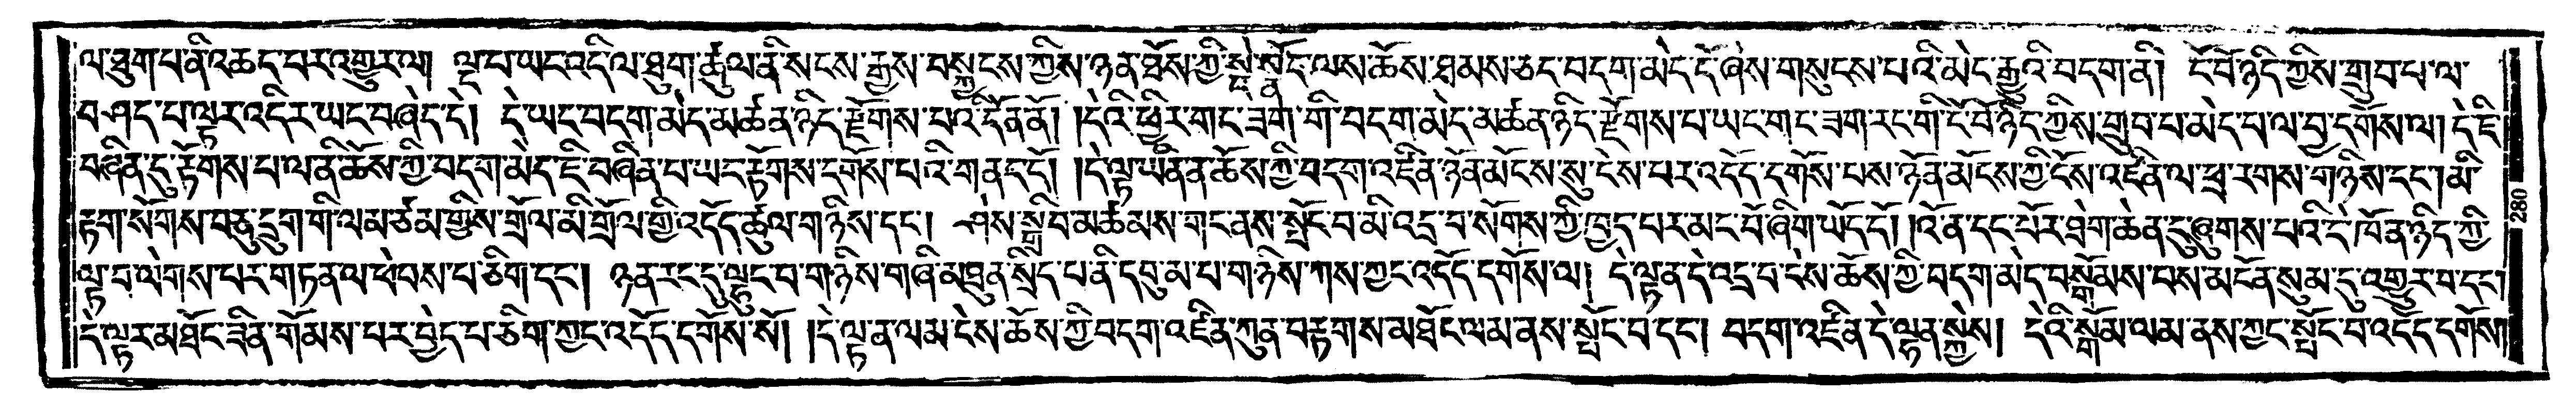ལ་ཐུག་པ་ནི་འཆད་པར་འགྱུར་ལ། ལྔ་པ་ཡང་འདི་ལ་ཐུག་ཚུལ་ནི་སངས་རྒྱས་བསྐྱངས་ཀྱིས་ཉན་ཐོས་ཀྱི་སྡེ་སྣོད་ལས་ཆོས་ཐམས་ཅད་བདག་མེད་དོ་ཞེས་གསུངས་པའི་མེད་རྒྱུའི་བདག་ནི། ངོ་བོ་ཉིད་ཀྱིས་གྲུབ་པ་ལ་
བཤད་པ་ལྟར་འདིར་ཡང་བཞེད་དེ། དེ་ཡང་བདག་མེད་མཚན་ཉིད་རྫོགས་པའི་དོན་ནོ། །དེའི་ཕྱིར་གང་ཟག་གི་བདག་མེད་མཚན་ཉིད་རྫོགས་པ་ཡང་གང་ཟག་རང་གི་ངོ་བོ་ཉིད་ཀྱིས་གྲུབ་པ་མེད་པ་ལ་བྱ་དགོས་ལ། དེ་ཇི་
བཞིན་དུ་རྟོགས་པ་ལ་ནི་ཆོས་ཀྱི་བདག་མེད་ཇི་བཞིན་པ་ཡང་རྟོགས་དགོས་པའི་གནད་དོ། །དེ་ལྟ་ཡིན་ན་ཆོས་ཀྱི་བདག་འཛིན་ཉོན་མོངས་སུ་ངེས་པར་འདོད་དགོས་པས་ཉོན་མོངས་ཀྱི་ངོས་འཛིན་ལ་ཕྲ་རགས་གཉིས་དང་། མི་
རྟག་སོགས་བཅུ་དྲུག་གི་ལམ་ཙམ་གྱིས་གྲོལ་མི་གྲོལ་གྱི་འདོད་ཚུལ་གཉིས་དང་། ཤེས་སྒྲིབ་མཚམས་གང་ནས་སྤོང་བ་མི་འདྲ་བ་སོགས་ཀྱི་ཁྱད་པར་མང་པོ་ཞིག་ཡོད་དོ། །འོ་ན་དང་པོར་ཐེག་ཆེན་དུ་ཞུགས་པའི་དེ་ཁོ་ན་ཉིད་ཀྱི་
ལྟ་བ་ལེགས་པར་གཏན་ལ་ཕེབས་པ་ཞིག་དང་། ཉན་རང་དུ་ལྷུང་པ་གཉིས་གཞི་མཐུན་སྲིད་པ་ནི་དབུ་མ་པ་གཉིས་ཀས་ཀྱང་འདོད་དགོས་ལ། དེ་ལྟ་ན་དེ་འདྲ་བ་དེས་ཆོས་ཀྱི་བདག་མེད་བསྒོམས་པས་མངོན་སུམ་དུ་འགྱུར་བ་དང་།
དེ་ལྟར་མཐོང་ཟིན་གོམས་བར་བྱེད་པ་ཅིག་ཀྱང་འདོད་དགོས་སོ། །དེ་ལྟ་ན་ལམ་དེས་ཆོས་ཀྱི་བདག་འཛིན་ཀུན་བརྟགས་མཐོང་ལམ་ནས་སྤོང་བ་དང་། བདག་འཛིན་དེ་ལྷན་སྐྱེས། དེའི་སྒོམ་ལམ་ནས་ཀྱང་སྤོང་བ་འདོད་དགོས་